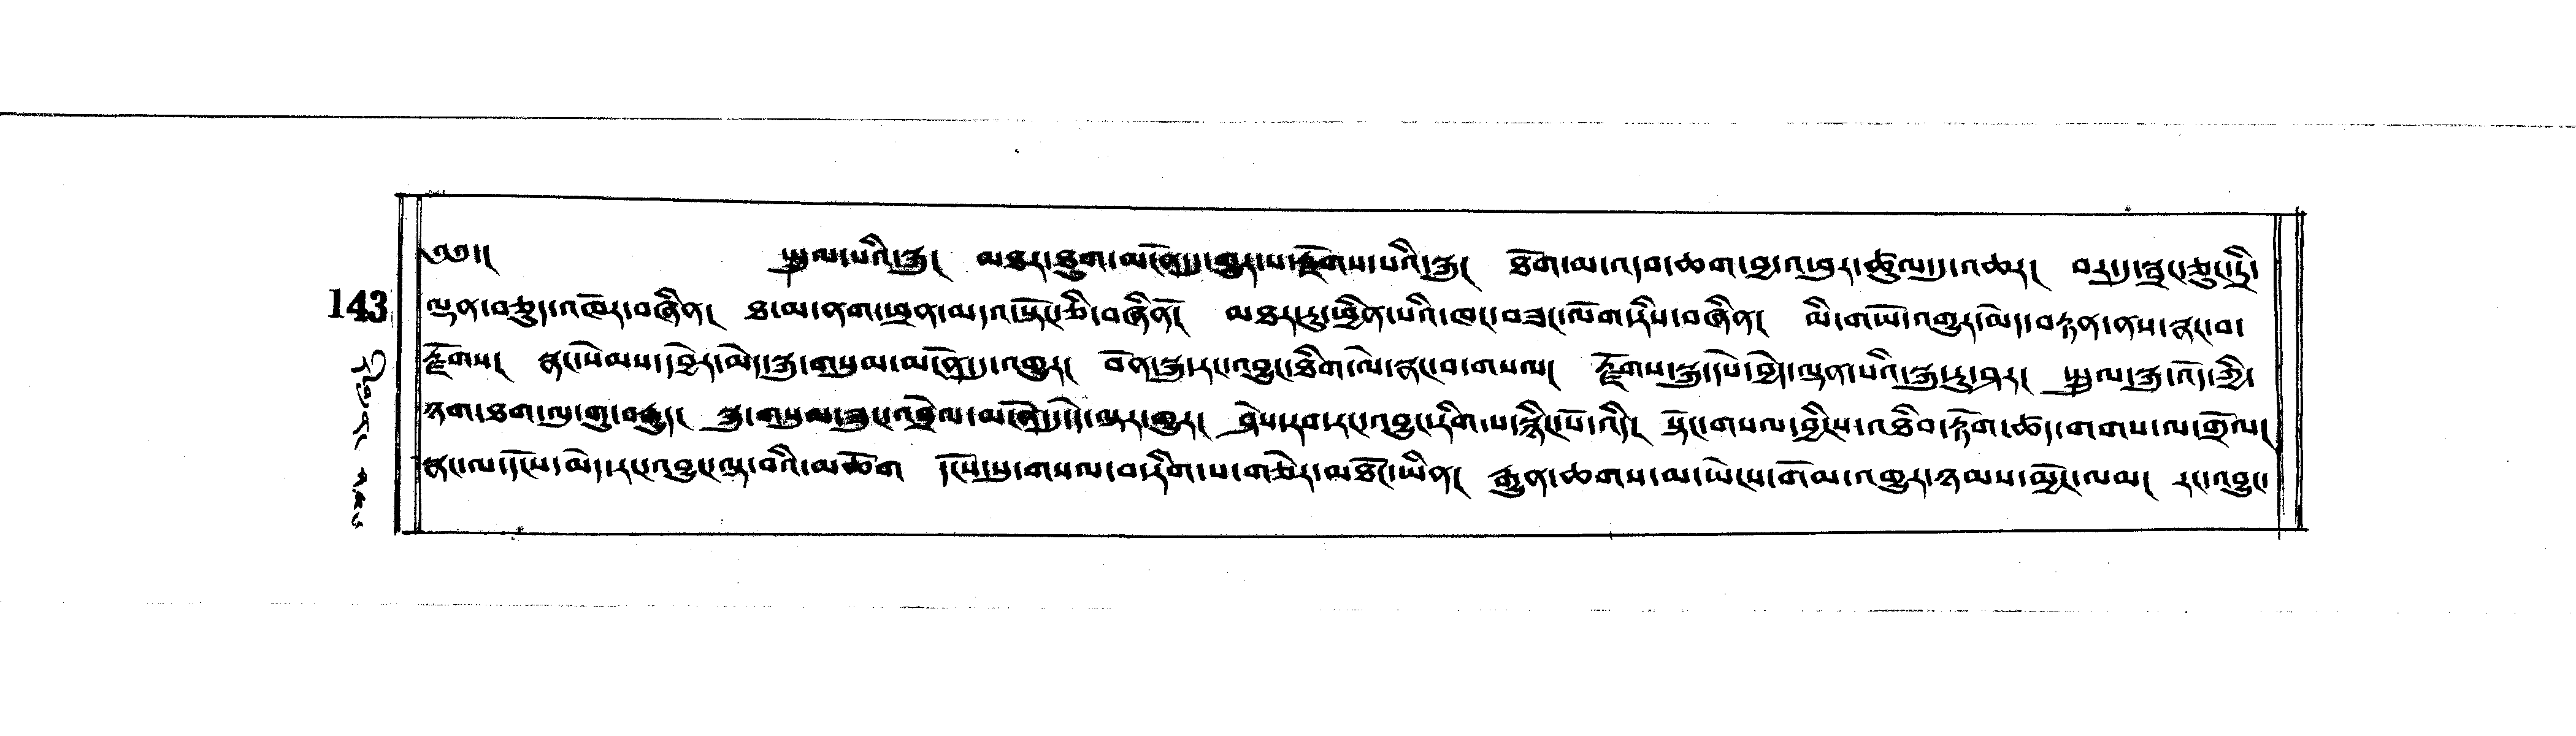སྤྲུལ་པའི་སྐུ། མཐར་ཐུག་མངོན་དུ་གྱུར་པ་རྫོགས་པའི་སྐུ། ཐོག་མ་འདབ་ཆགས་བྱ་འཕུར་ཚུལ་དུ་འཆར། བར་དུ་སྦྲང་ཅུང་དྲི་
ལྡན་བཅུད་འཁོར་བཞིན། ཐ་མ་ནག་ཕྲན་མདའ་སྟོང་ཅི་བཞིན་ནོ། མཐའ་རུ་ཕྱིན་པའི་ཁང་བཟང་ལོགས་རིས་བཞིན། མི་གཡོ་འགྱུར་མེད་བརྟན་ནས་སྣང་བ་
རྫོགས། སྣང་སེམས་དབྱེར་མེད་སྐུ་གསུམ་མངོན་དུ་འགྱུར། བོན་སྐུ་རང་འབྱུང་ཐིག་ལེ་སྣང་བ་གསལ། རྫོགས་སྐུ་དཔེ་བྱད་ལྡན་པའི་སྐུ་རུ་ཤར། སྤྲུལ་སྐུ་འོད་ཀྱི་
ཉག་ཐག་ལུ་གུ་རྒྱུད། སྐུ་གསུམ་ཟུང་འབྲེལ་མངོན་དུ་དེ་ལྟར་གྱུར། ཤེས་རབ་རང་འབྱུང་རིག་པ་སྙིང་པོ་འདི། སྟོང་གསལ་དབྱིངས་ཐིབ་རྟོགས་ཚད་གག་ལས་གྲོལ། 
སྣང་ལ་དངོས་མེད་རང་འབྱུང་ལྟ་བའི་མཆོག དངོས་སུ་གསལ་བ་རིག་པ་ཅེར་མཐོང་ཡིན། རྒྱུན་ཆགས་མ་ཡེངས་གོམས་འགྱུར་ཉམས་མྱོང་ལམ། རང་འབྱུང་